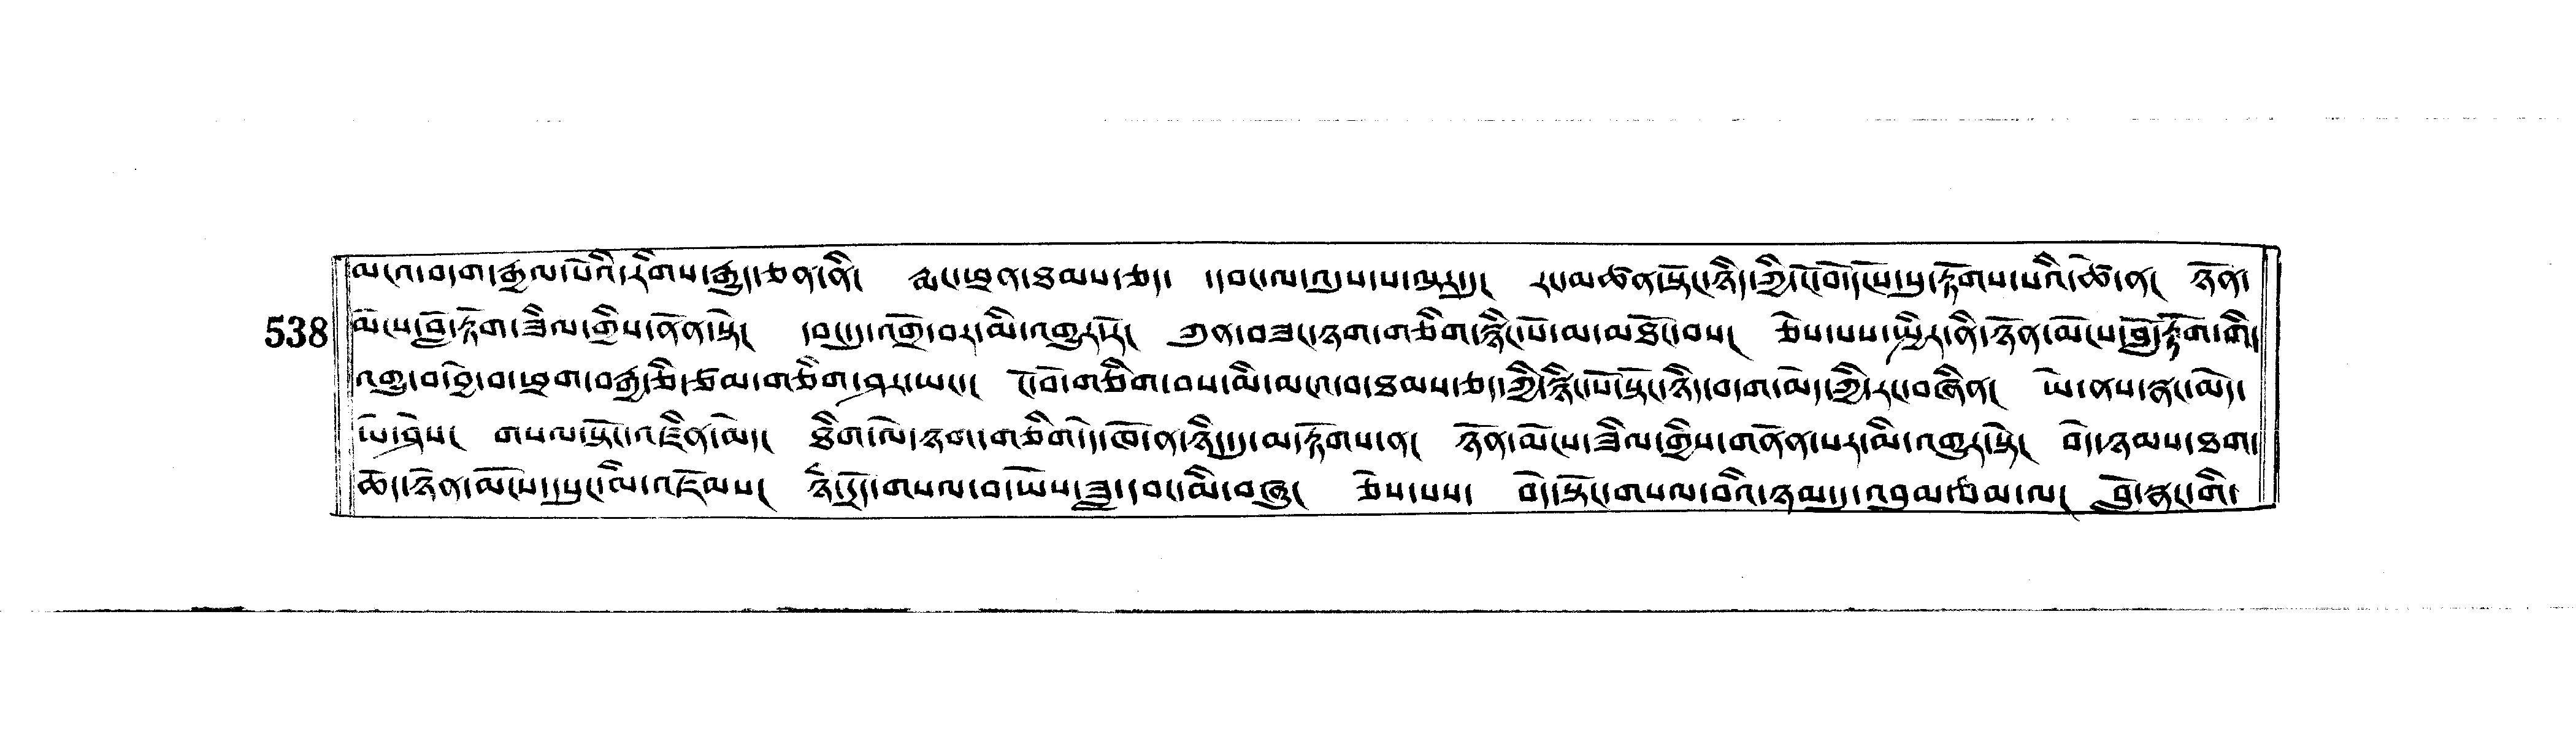མངའ་བདག་རྒྱལ་པོའི་རིགས་རྒྱུད་ཅན་ནི། རྨང་ཕྲན་ཐམས་ཅད་དབང་ལ་འདུས་པ་ལྟར་དུ། རང་མཚན་སྟོང་ཉིད་ཀྱི་ངོ་བོ་དངོས་སུ་རྟོགས་པའི་ཚེ་ན། ཉོན་
མོངས་བློ་རྟོག་ཟིལ་གྱིས་ནོན་ཏེ། དབང་དུ་འགྲོ་བར་མི་འགྱུར་རོ། ཀུན་བཟང་ཉག་ཅིག་སྙིང་པོ་མ་མཐོང་བས། ཅེས་པས། སྤྱིར་ནི་ཉོན་མོངས་བློ་རྟོག་གི་
འགྱུ་བ་བྱེ་བ་ཕྲག་བརྒྱ་ཅི་ཙམ་གཅིག་ཤར་ཡང་། ངོ་བོ་གཅིག་ལ་མི་མངའ་བ་ཐམས་ཅད་ཀྱི་སྙིང་པོ་སྟོང་ཉིད་བདག་མེད་ཀྱི་རང་བཞིན། ཡེ་ནས་སྣང་མེད་
ཡེ་ཤེས། གསལ་སྟོང་འཛིན་མེད། ཐིག་ལེ་ཉག་གཅིག་དེ་ཁོ་ན་ཉིད་དུ་མ་རྟོགས་ན། ཉོན་མོངས་ཟིལ་གྱིས་ནོན་པར་མི་འགྱུར་ཏེ། བདེ་ཉམས་ཐག་
ཆོད་ཉོན་མོངས་དཔུང་མི་འཇོམས། ཉི་དྲོད་གསལ་བ་ཡོས་ཟླ་དབང་མི་བཞུ། ཅེས་པས། བདེ་སྟོང་གསལ་བའི་ཉམས་དུ་འབུམ་ཙམ་ལ། བློ་སྣང་གི་